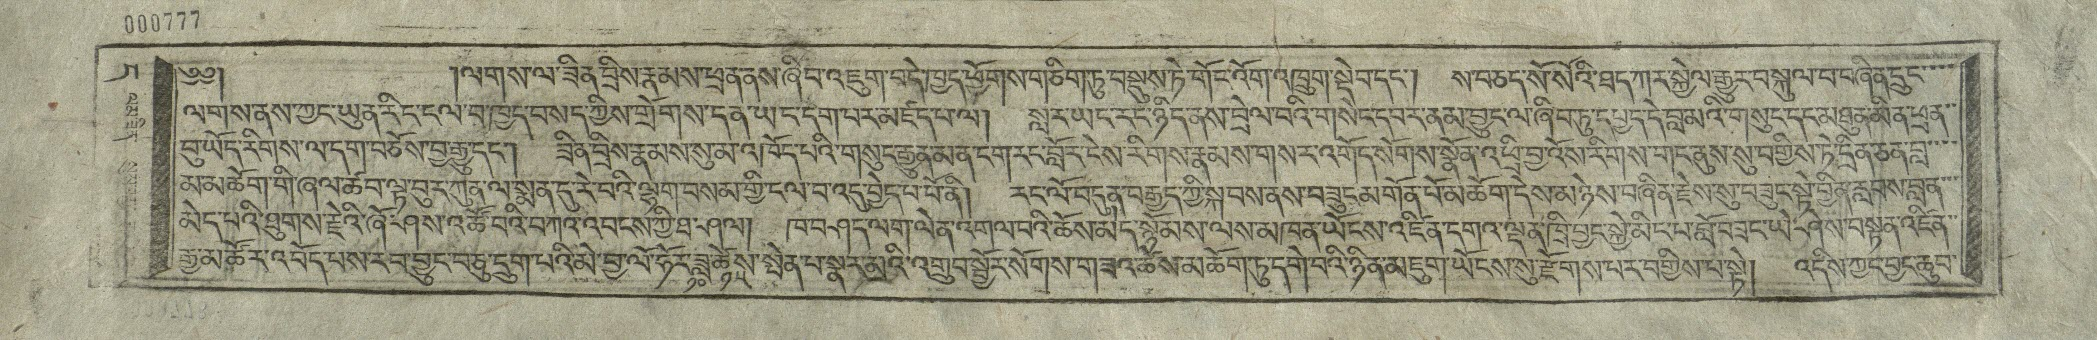༄༅། །ལགས་ལ་ཟིན་བྲིས་རྣམས་ཕྲན་ནས་ཞིབ་འཇུག་བདེ་ཁྱད་ཕྱོགས་གཅིག་ཏུ་བསྡུས་ཏེ་གོང་འོག་འཁྲུག་སྡེབ་དང་། ས་བཅད་སོ་སོའི་ཐད་ཀར་སྐྱེལ་རྒྱུར་བསྐུལ་བ་བཞིན་དྲུང་
ལགས་ནས་ཀྱང་ཡུན་རིང་ངལ་བ་ཁྱད་བསད་ཀྱིས་གྲོགས་དན་ཡང་དག་པར་མཛད་པ་ལ། སླར་ཡང་རང་ཉིད་ནས་བྲེལ་བའི་གསེང་དབར་ནམ་བྱུང་ལ་ཞིབ་ཏུ་དཔྱད་དེ་བླ་མའི་གསུང་དང་མཐུན་མིན་ཕྲན་
བུ་ཡོད་རིགས་ལ་དག་བཅོས་བྱ་རྒྱུ་དང་། ཟིན་བྲིས་རྣམས་སུ་མ་འཁོད་པའི་གསུང་རྒྱུན་མན་ངག་རང་བློར་ངེས་རིགས་རྣམས་གསར་འགོད་སོགས་སྣོན་འཕྲི་བྱ་འོས་རིགས་གང་ནུས་སུ་བགྱིས་ཏེ་དྲིན་ཅན་བླ་
མ་མཆོག་གི་ཞལ་ཚབ་ལྟ་བུར་ཀུན་ལ་སྨན་དུ་རེ་བའི་ལྷག་བསམ་གྱི་ངལ་བ་འདུ་བྱེད་པ་པོ་ནི། རང་ལོ་བདུན་བརྒྱད་ཀྱི་སྐབས་ནས་བཟུང་མགོན་པོ་མཆོག་དེས་མཉེས་བཞིན་རྗེས་སུ་བཟུང་སྟེ་བྱིན་རླབས་བླ་ན་
མེད་པའི་ཐུགས་རྗེའི་ཞོ་ཤས་འཚོ་བའི་བཀའ་འབངས་ཀྱི་ཐ་ཤལ། ཁ་བཤད་ལག་ལེན་འགལ་བའི་ཆོས་མེད་སྙོམས་ལས་མཁན་ཡོངས་འཛིན་དགའ་ལྡན་ཁྲི་བྱང་སྐྱེ་མིང་པ་བློ་བཟང་ཡེ་ཤེས་བསྟན་འཛིན་
རྒྱ་མཚོར་འབོད་པས་རབ་བྱུང་བཅུ་དྲུག་པའི་མེ་བྱ་ལོ་ཧོར ༡༠་ཟླ་ཚེས ༡༥་སྤེན་པ་སྣར་མའི་འགྲུབ་སྦྱོར་སོགས་གཟའ་ཚེས་མཆོག་ཏུ་དགེ་བའི་ཉིན་མཇུག་ཡོངས་སུ་རྫོགས་པར་བགྱིས་པ་སྟེ། འདིས་ཀྱང་བྱང་ཆུབ་